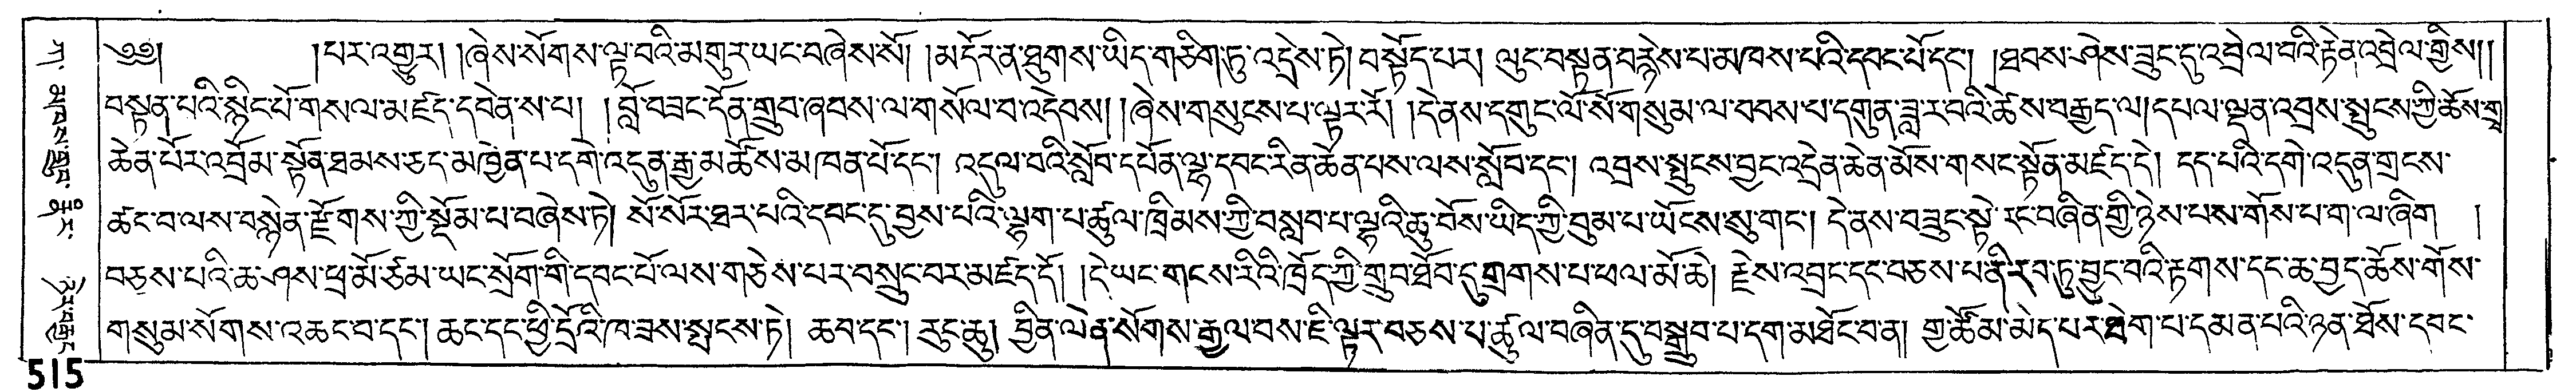༄༅། །པར་འགྱུར། །ཞེས་སོགས་ལྟ་བའི་མགུར་ཡང་བཞེས་སོ། །མདོར་ན་ཐུགས་ཡིད་གཅིག་ཏུ་འདྲེས་ཏེ། བསྟོད་པར། ལུང་བསྟན་བརྙེས་པ་མཁས་པའི་དབང་པོ་དང་། །ཐབས་ཤེས་ཟུང་དུ་འབྲེལ་བའི་རྟེན་འབྲེལ་གྱིས། །
བསྟན་པའི་སྙིང་པོ་གསལ་མཛད་དབེན་ས་པ། །བློ་བཟང་དོན་གྲུབ་ཞབས་ལ་གསོལ་བ་འདེབས། །ཞེས་གསུངས་པ་ལྟར་རོ། །དེ་ནས་དགུང་ལོ་སོ་གསུམ་ལ་བབས་པ་དགུན་ཟླ་ར་བའི་ཚེས་བརྒྱད་ལ། དཔལ་ལྡན་འབྲས་སྤུངས་ཀྱི་ཆོས་གྲྭ་
ཆེན་པོར་འབྲོམ་སྟོན་ཐམས་ཅད་མཁྱེན་པ་དགེ་འདུན་རྒྱ་མཚོས་མཁན་པོ་དང་། འདུལ་བའི་སློབ་དཔོན་ལྷ་དབང་རིན་ཆེན་པས་ལས་སློབ་དང་། འབྲས་སྤུངས་བྱང་འདྲེན་ཆེན་མོས་གསང་སྟོན་མཛད་དེ། དད་པའི་དགེ་འདུན་གྲངས་
ཚང་བ་ལས་བསྙེན་རྫོགས་ཀྱི་སྡོམ་པ་བཞེས་ཏེ། སོ་སོར་ཐར་པའི་དབང་དུ་བྱས་པའི་ལྷག་པ་ཚུལ་ཁྲིམས་ཀྱི་བསླབ་པ་ལྷའི་ཆུ་བོས་ཡིད་ཀྱི་བུམ་པ་ཡོངས་སུ་གང་། དེ་ནས་བཟུང་སྟེ་རང་བཞིན་གྱི་ཉེས་པས་གོས་པ་ག་ལ་ཞིག །
བཅས་པའི་ཆ་ཤས་ཕྲ་མོ་ཙམ་ཡང་སྲོག་གི་དབང་པོ་ལས་གཅེས་པར་བསྲུང་བར་མཛད་དོ། །དེ་ཡང་གངས་རིའི་ཁྲོད་ཀྱི་གྲུབ་ཐོབ་དུ་གྲགས་པ་ཕལ་མོ་ཆེ། རྗེས་འབྲང་དང་བཅས་པ་ནི་རབ་ཏུ་བྱུང་བའི་རྟགས་དང་ཆ་བྱད་ཆོས་གོས་
གསུམ་སོགས་འཆང་བ་དང་། ཆང་དང་ཕྱི་དྲོའི་ཁ་ཟས་སྤངས་ཏེ། ཆབ་དང་། རུང་ཆུ། བྱིན་ལེན་སོགས་རྒྱལ་བས་ཇི་ལྟར་བཅས་པ་ཚུལ་བཞིན་དུ་བསྒྲུབ་པ་དག་མཐོང་བ་ན། གྱ་ཚོམ་མེད་པར་ཐེག་པ་དམན་པའི་ཉན་ཐོས་དབང་